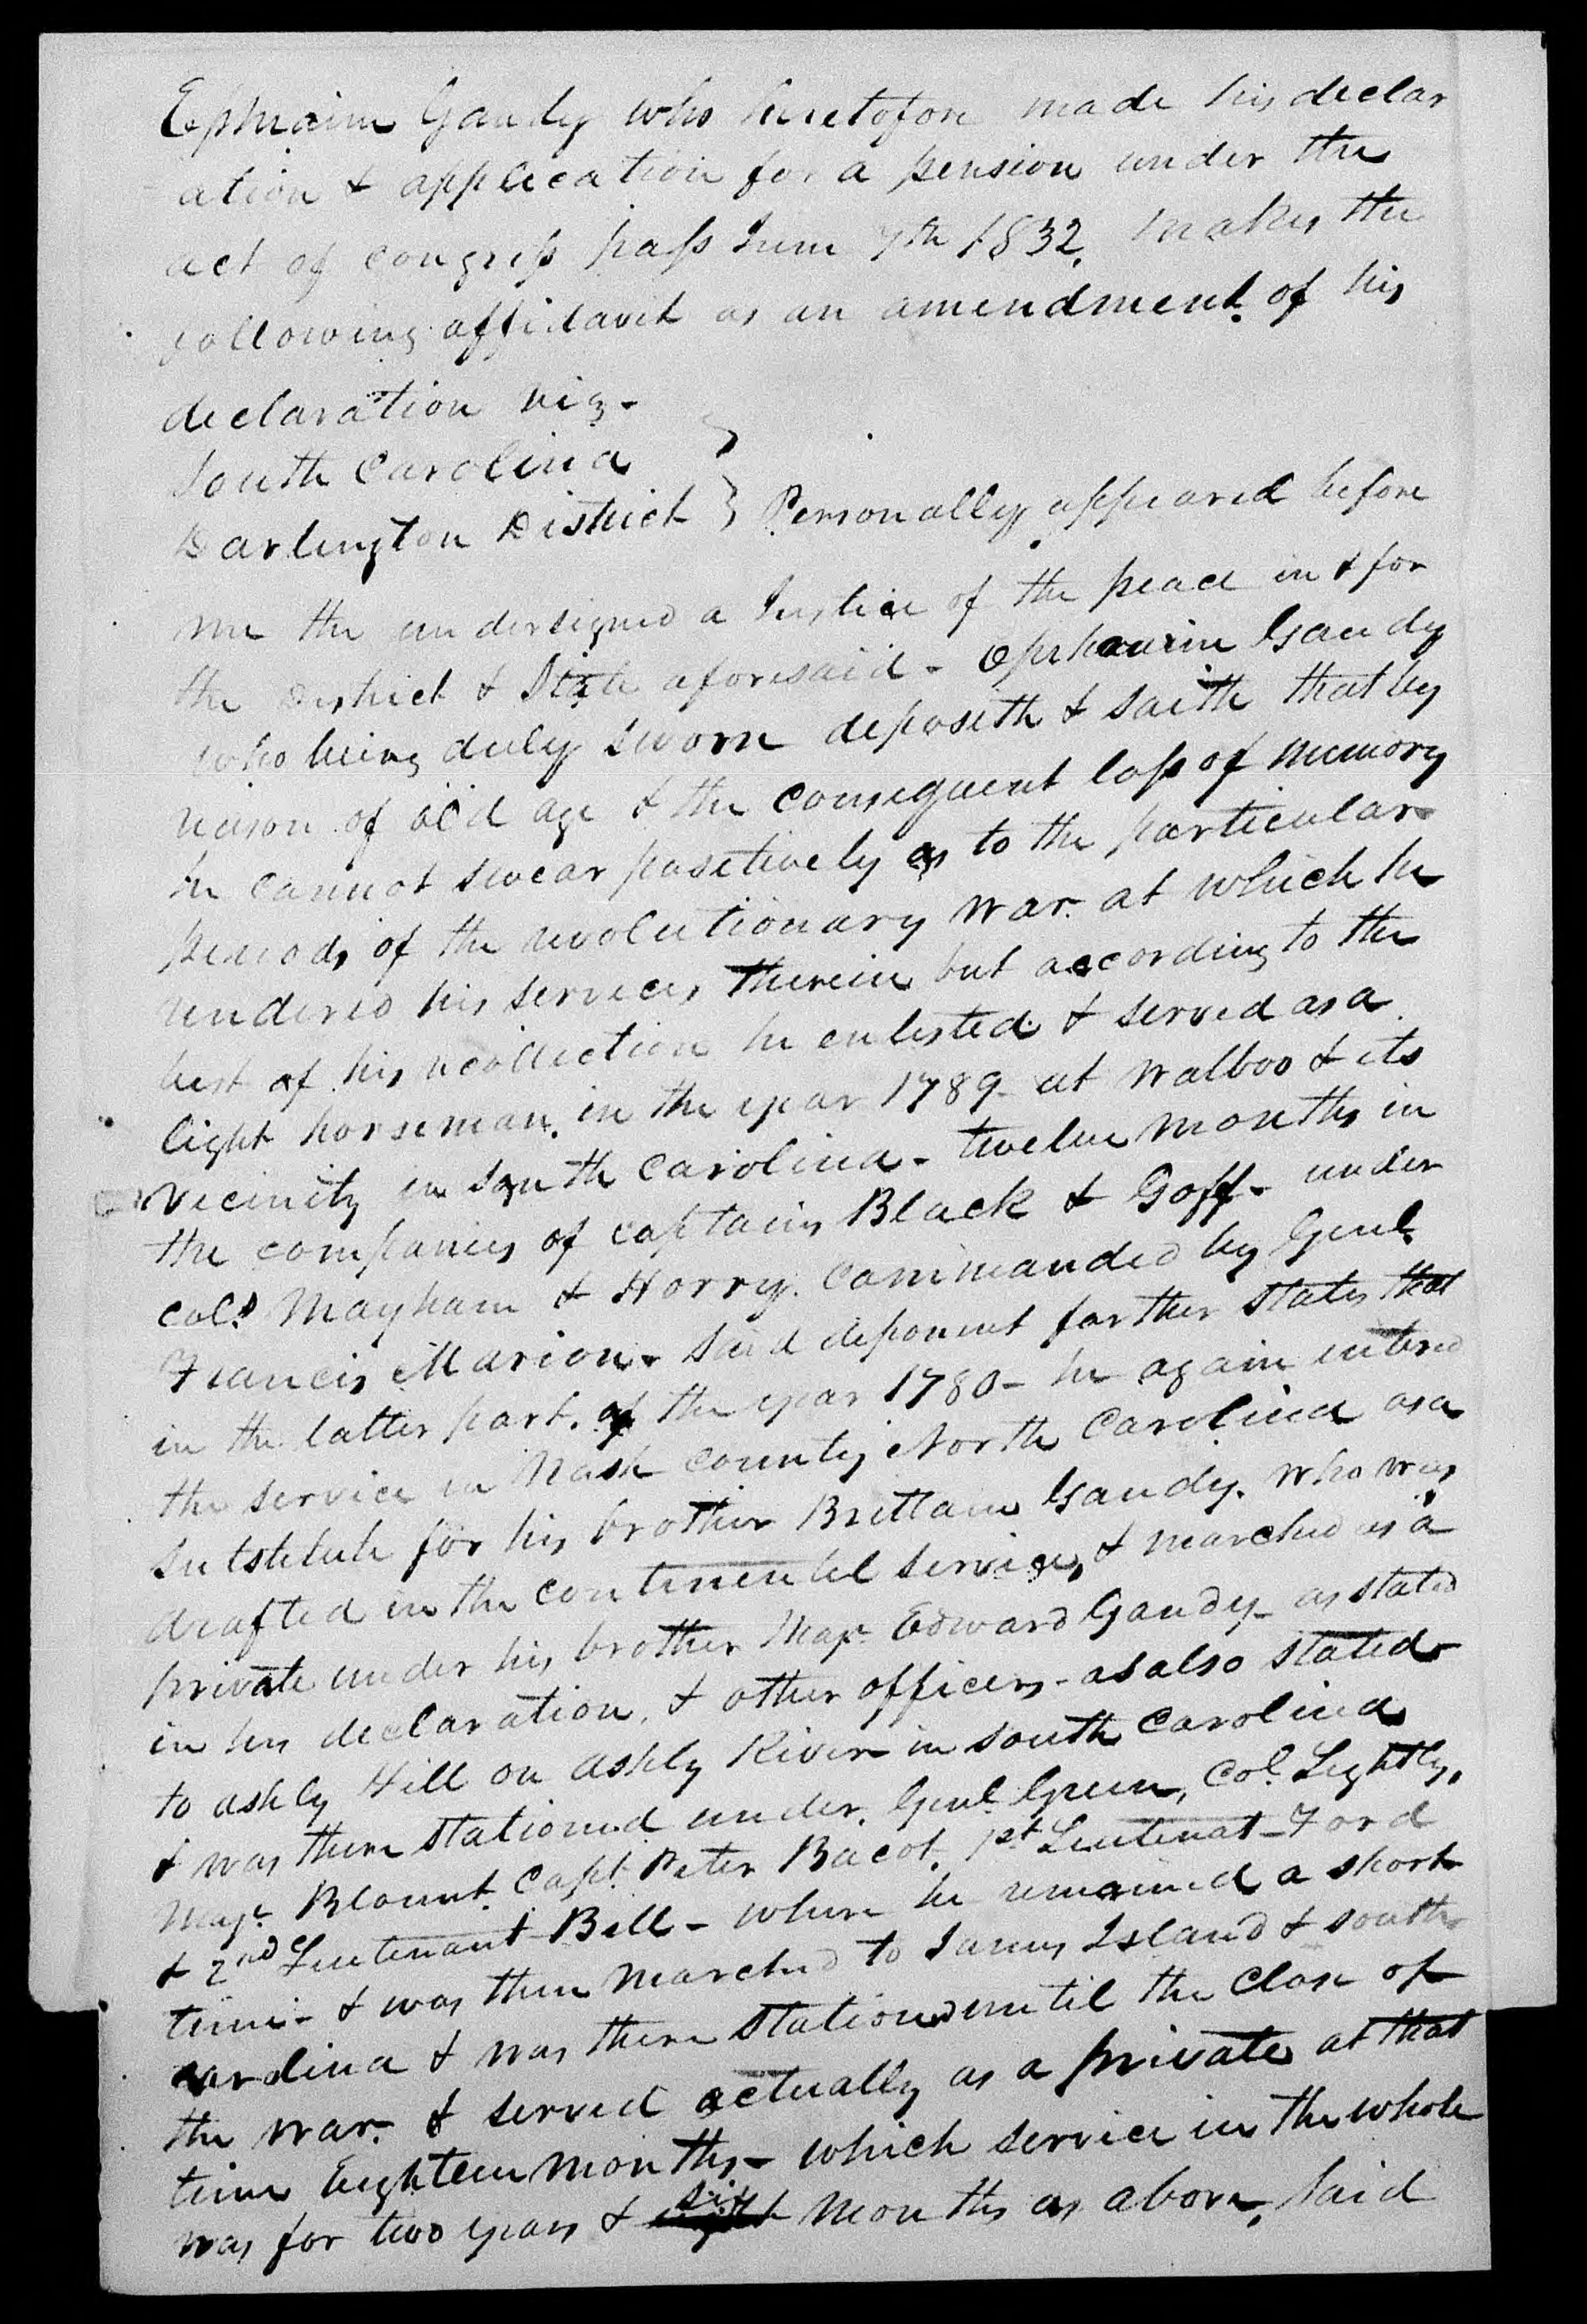Ephraim Gaudy who heretofore made his declaration & application for a pension under the act of Congress passed June 7 1832 makes the following affidavit as an amendment of his declaration viz:

South Carolina
Darlington District
Personally appeared before me the undersigned a Justice of the Peace in & for the district & state aforesaid Ephraim Gaudy who being duly sworn deposeth & saith that by reason of old age & and the consequent loss of memory he cannot swear positively as to the particular periods of the Revolutionary War at which he rendered his services, therein but according to the best of his recollection e enlisted & served as a light horseman in the year 1789 at Walboo & its vicinity in South Carolina. Twelve months in the companies of Captains Black and Goff under Cols Mayham & Horry commanded by General Francis Marion.  Said deponent further states that in the latter part of the year 1780 - he again entered the service in Nash County North Carolina as a substitute for his brother Brittan Gaudy who was drafted in the Continental service 7 marched as a private under his brother Maj Edward Gaudy as stated in his declaration & other officers - as also stated - to Ashley Hill on Ashley River in South Carolina. I was there stationed under Genl Greene, Col Lightley, Maj. Blount, Capt. Peter Bacot, 1st Lieutenant Ford & 2nd Lieutenant Ball - where we remained a short time & was then marched to James Island & South Carolina & was there stationed until the close of the war. I served actually as a private at that time eighteen months - which service in the whole was for two years & six months as above, said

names: Black, Lightly, Horry, Ephraim Gaudy, Brittain Gaudy, Edward Gaudy, Ford, Blount, Peter Bacot, Green, Bell, Goff, Eprhaaim Gaudy, Mayham, Francis Marion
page: 7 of 12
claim: survivor's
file: S. 17971, Ephraim Gaudy, N.C. S.C.